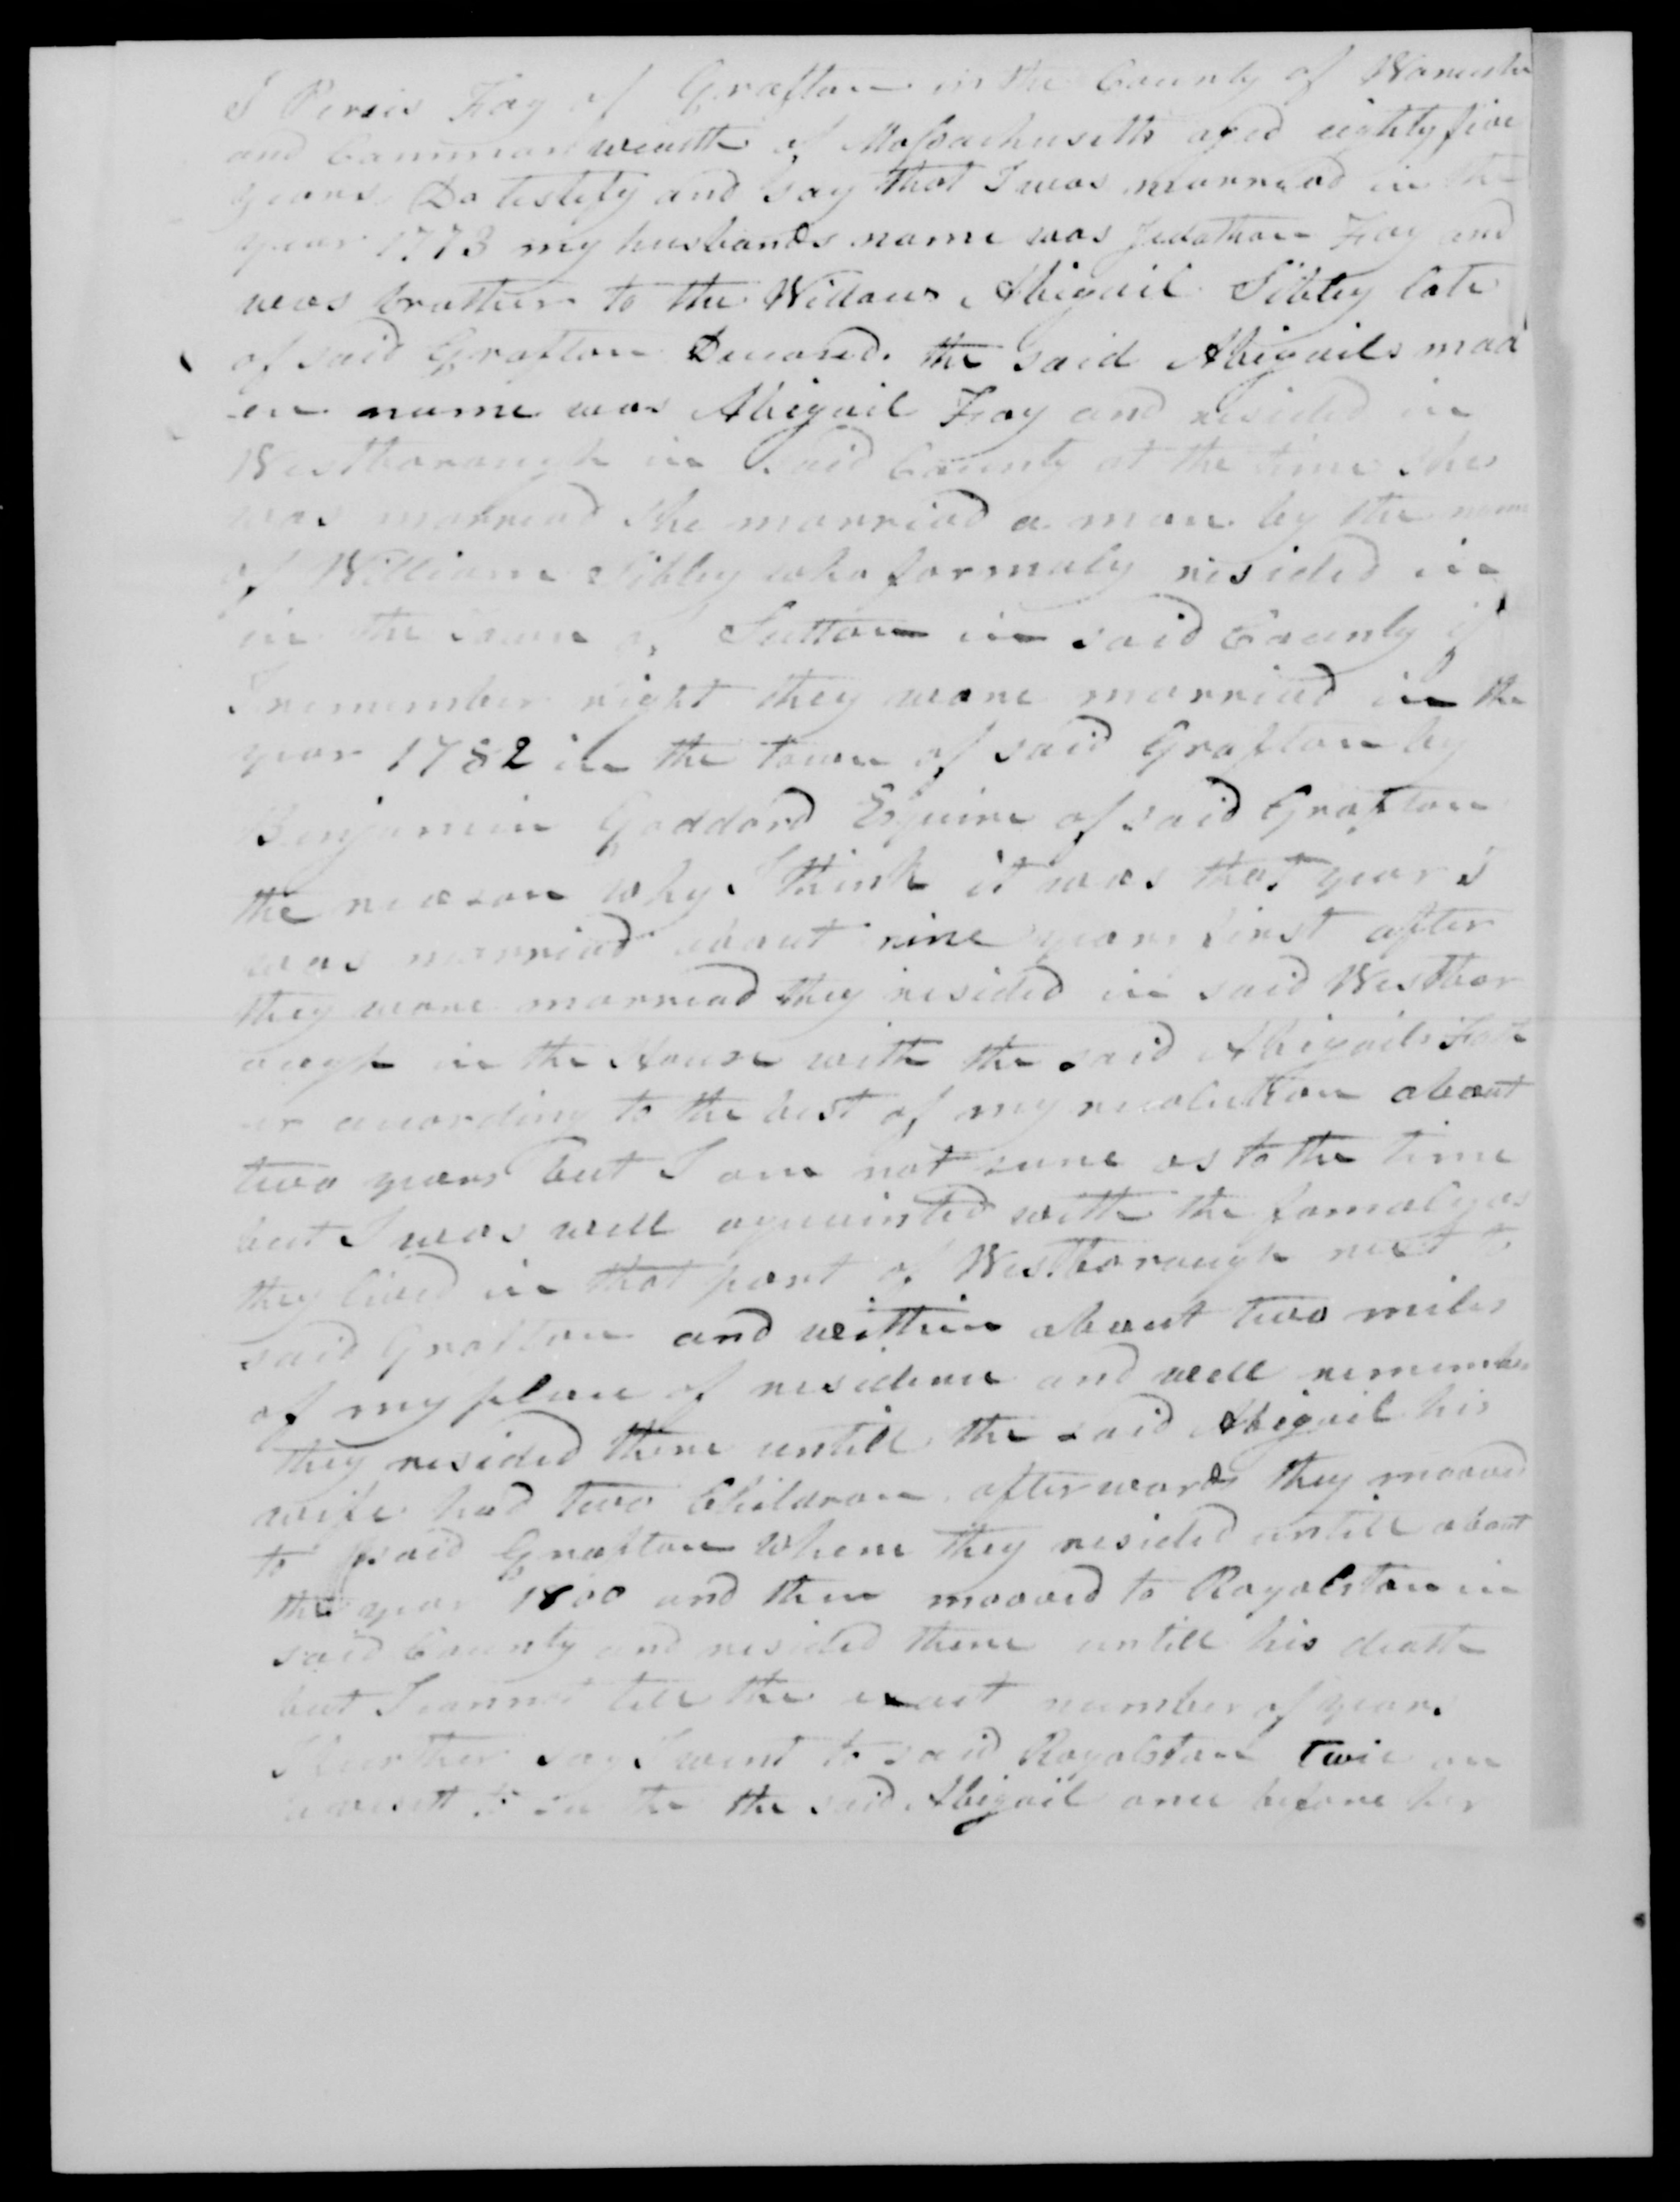I Persis Fay of Grafton in the County of Worcester and Commonwealth of Massachusetts aged eighty-five years do testify and say that I was married in the year 1773 my husband's name was Jeduthan Fay and was brother to the William & Abigail Sibley late of Grafton deceased.  the said Abigail maiden name was Abigail Fay and resided in Westborough in said County at the time she was unmarried She married a man by the name of William Sibley who formerly resided in the town of Sutton in said County if I remember right, they were married in the year 1782 in the town of said Graton by Benjamin Goddard Esquire of said  Grafton. The reason why I think it was that year I was married about nine years. First after they were married, they resided in said Westborough in the house with the said Abigail Fay in according to the best of my recollection about two years bit I am not sure as to the time but I was well acquainted with the family as they lived in that part of Westborough next to said Grafton and within about two miles of my place of residence and well remembered They resided there until the said Abigail his wife had two children afterward they moved to said Grafton where they resided until about [illegible] years 1800 and then moved to Royalston in said County and resided there untill is death but I cannot tell the exact number of years. I further say I went to said Royalston twice on a visitt to see the said Abigail once before her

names: Persis Fay; William Sibley; Jeduthan Fay; Abigail Fay; Abigail [BLANK]; Benjamin Goddard; Abigail Sibley; Abigail [BLANK]; Abigail [BLANK]; Abigail Fay; Willam Sibley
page: 12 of 24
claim: widow's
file: W. 15,338, for William Sibley, Massachusetts